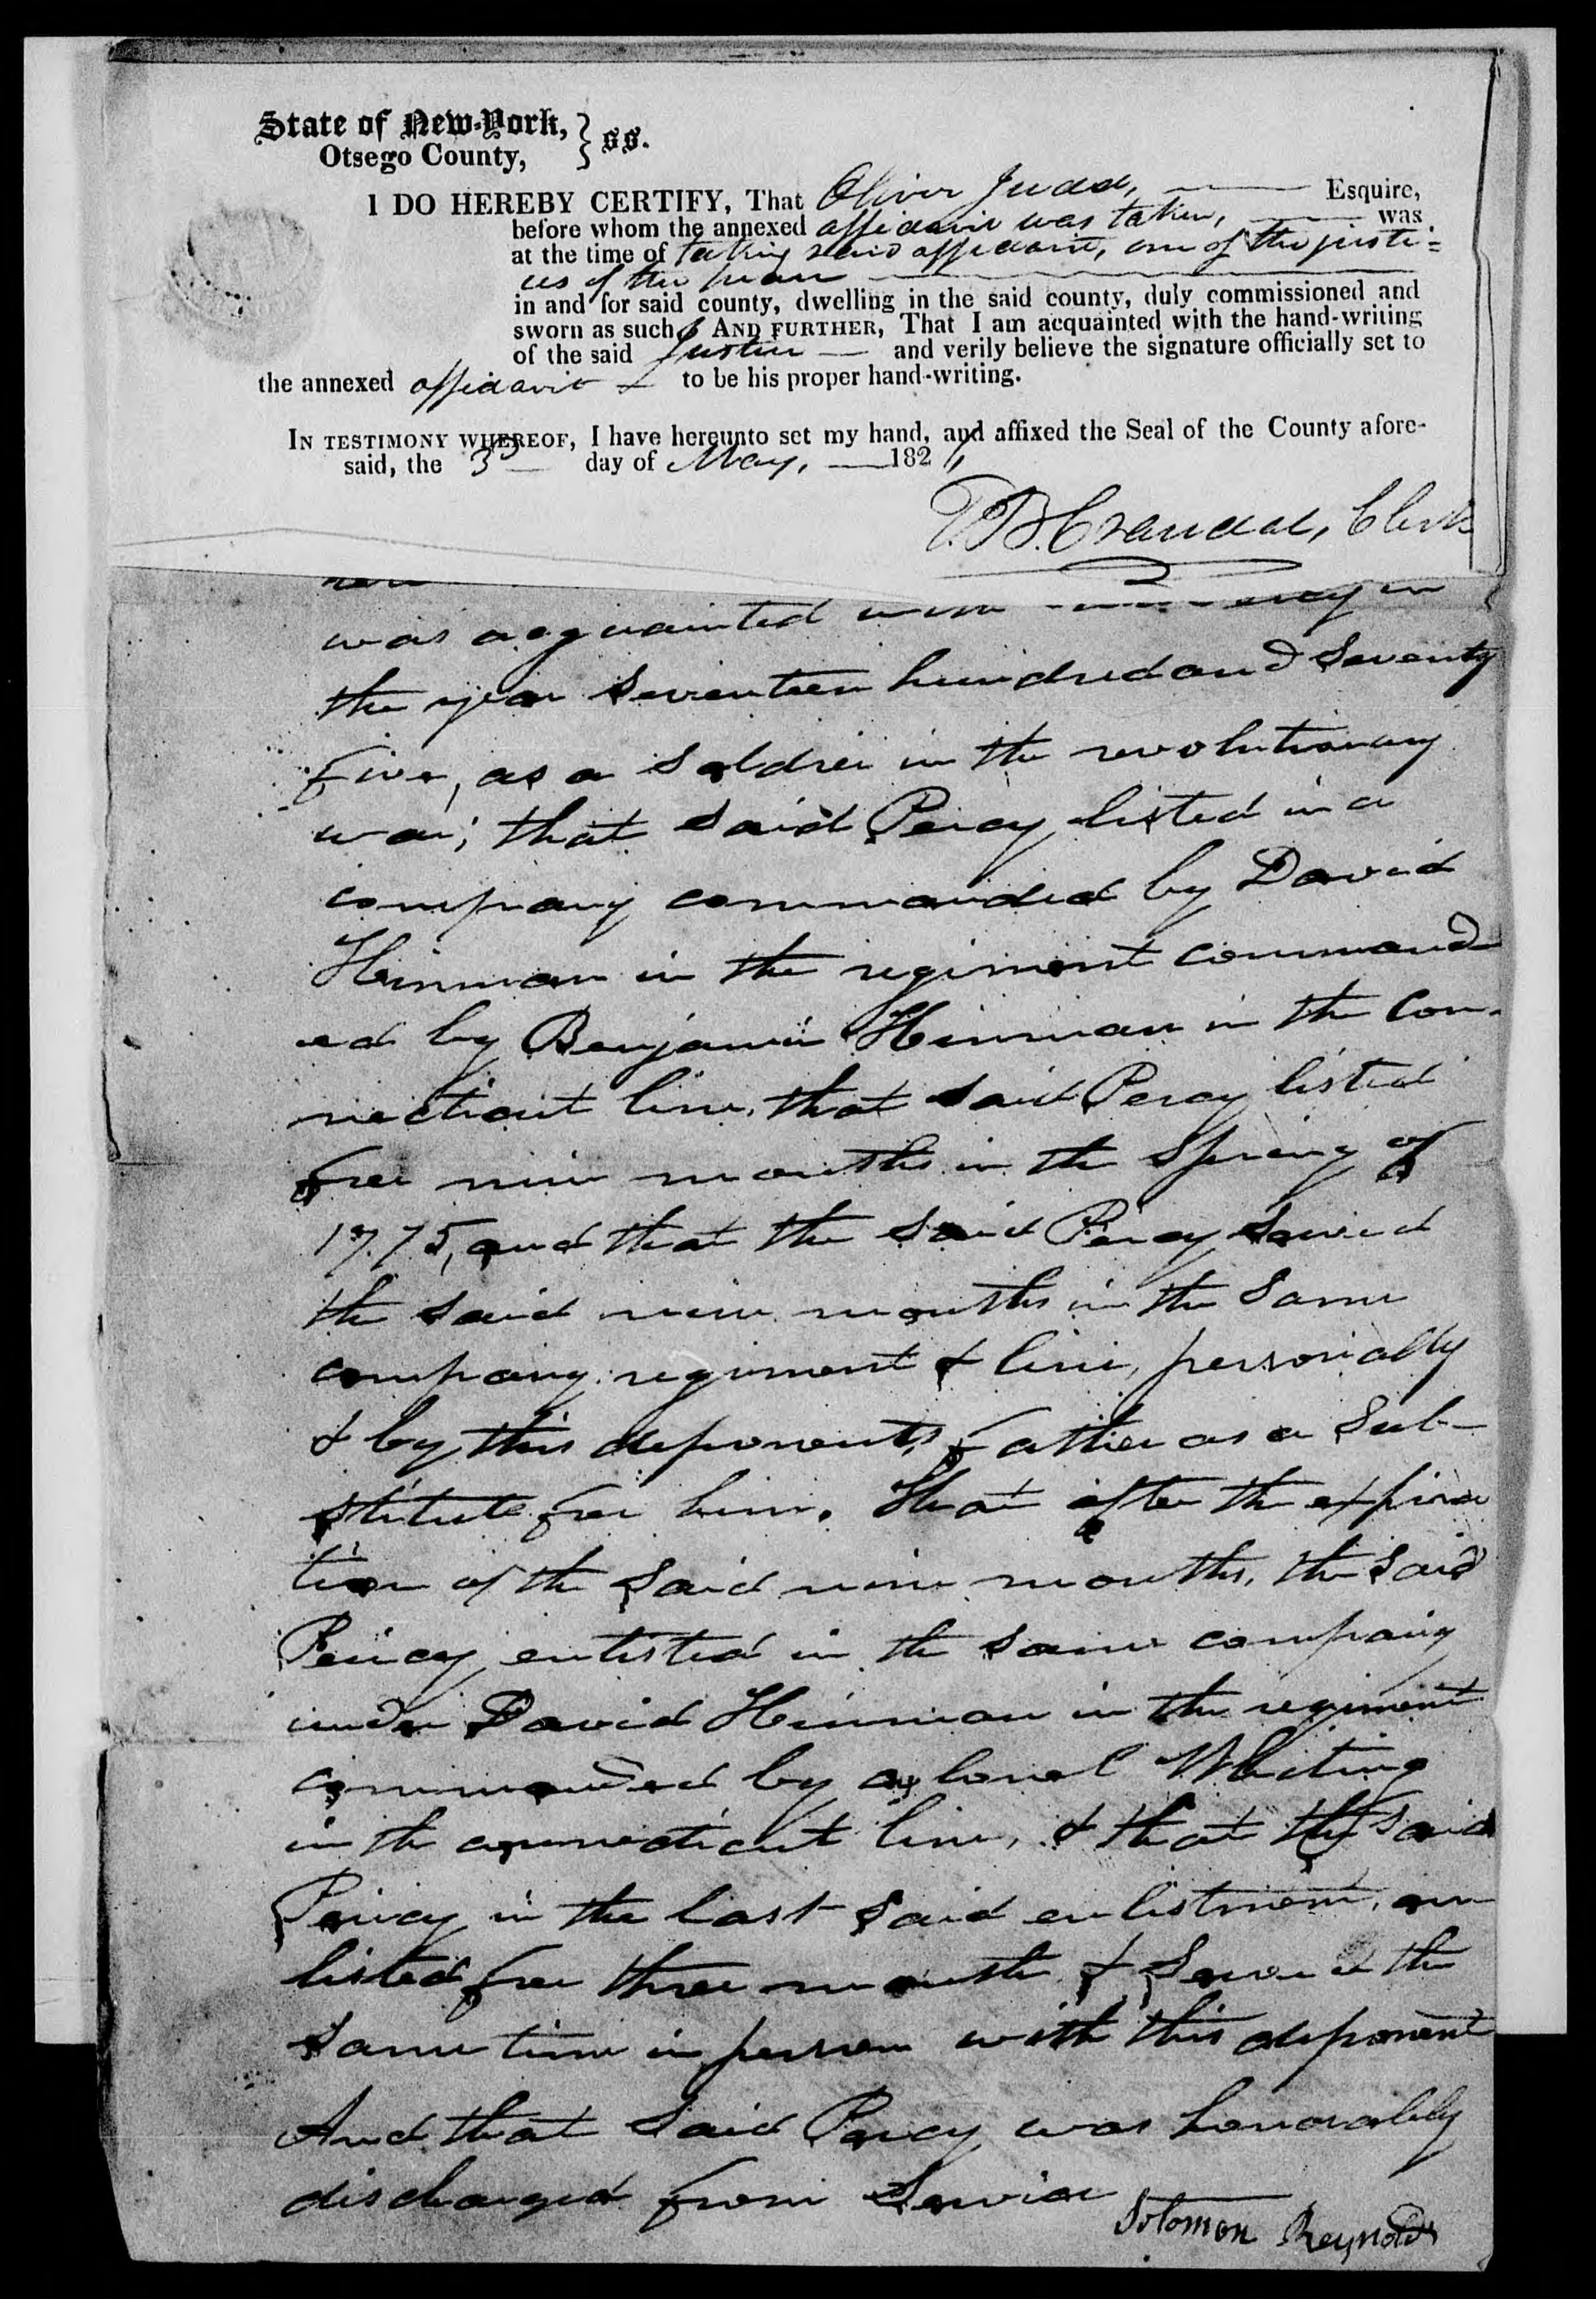State of New York,  }  ss.
   Otsego County,   }
 
(seal) I DO HEREBY CERTIFY, That Oliver Judd 
               Esquire, before whom the annexed
               affidavit was taken was at the time of
               taking said affidavit, one of the                                         
               justices of the peace in and for said 
               county, dwelling in the said county, 
               duly commissioned and sworn as 
               such AND FURTHER, That I am                    
               acquainted with the hand-writing of 
               the said Justice and verily believe the 
               signature officially set to the annexed affidavit to be his proper hand-writing.

  In testimony whereof, I have hereunto set my hand, and affixed the Seal of the County afore- said, the 3rd day of May, 1826
                      T.B. Crandal, Clerk

(SEE NEXT PAGE FOR FULL TRANSLATION OF WRITTEN DOCUMENT)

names: T B Crandal; Oliver Judd; David Hinman; Solomon Reynolds; Benjamin Hinman; [BLANK] Whiting; [BLANK] Percy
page: 13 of 20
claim: rejected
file: R. 17029, for Joseph Percy, Connecticut